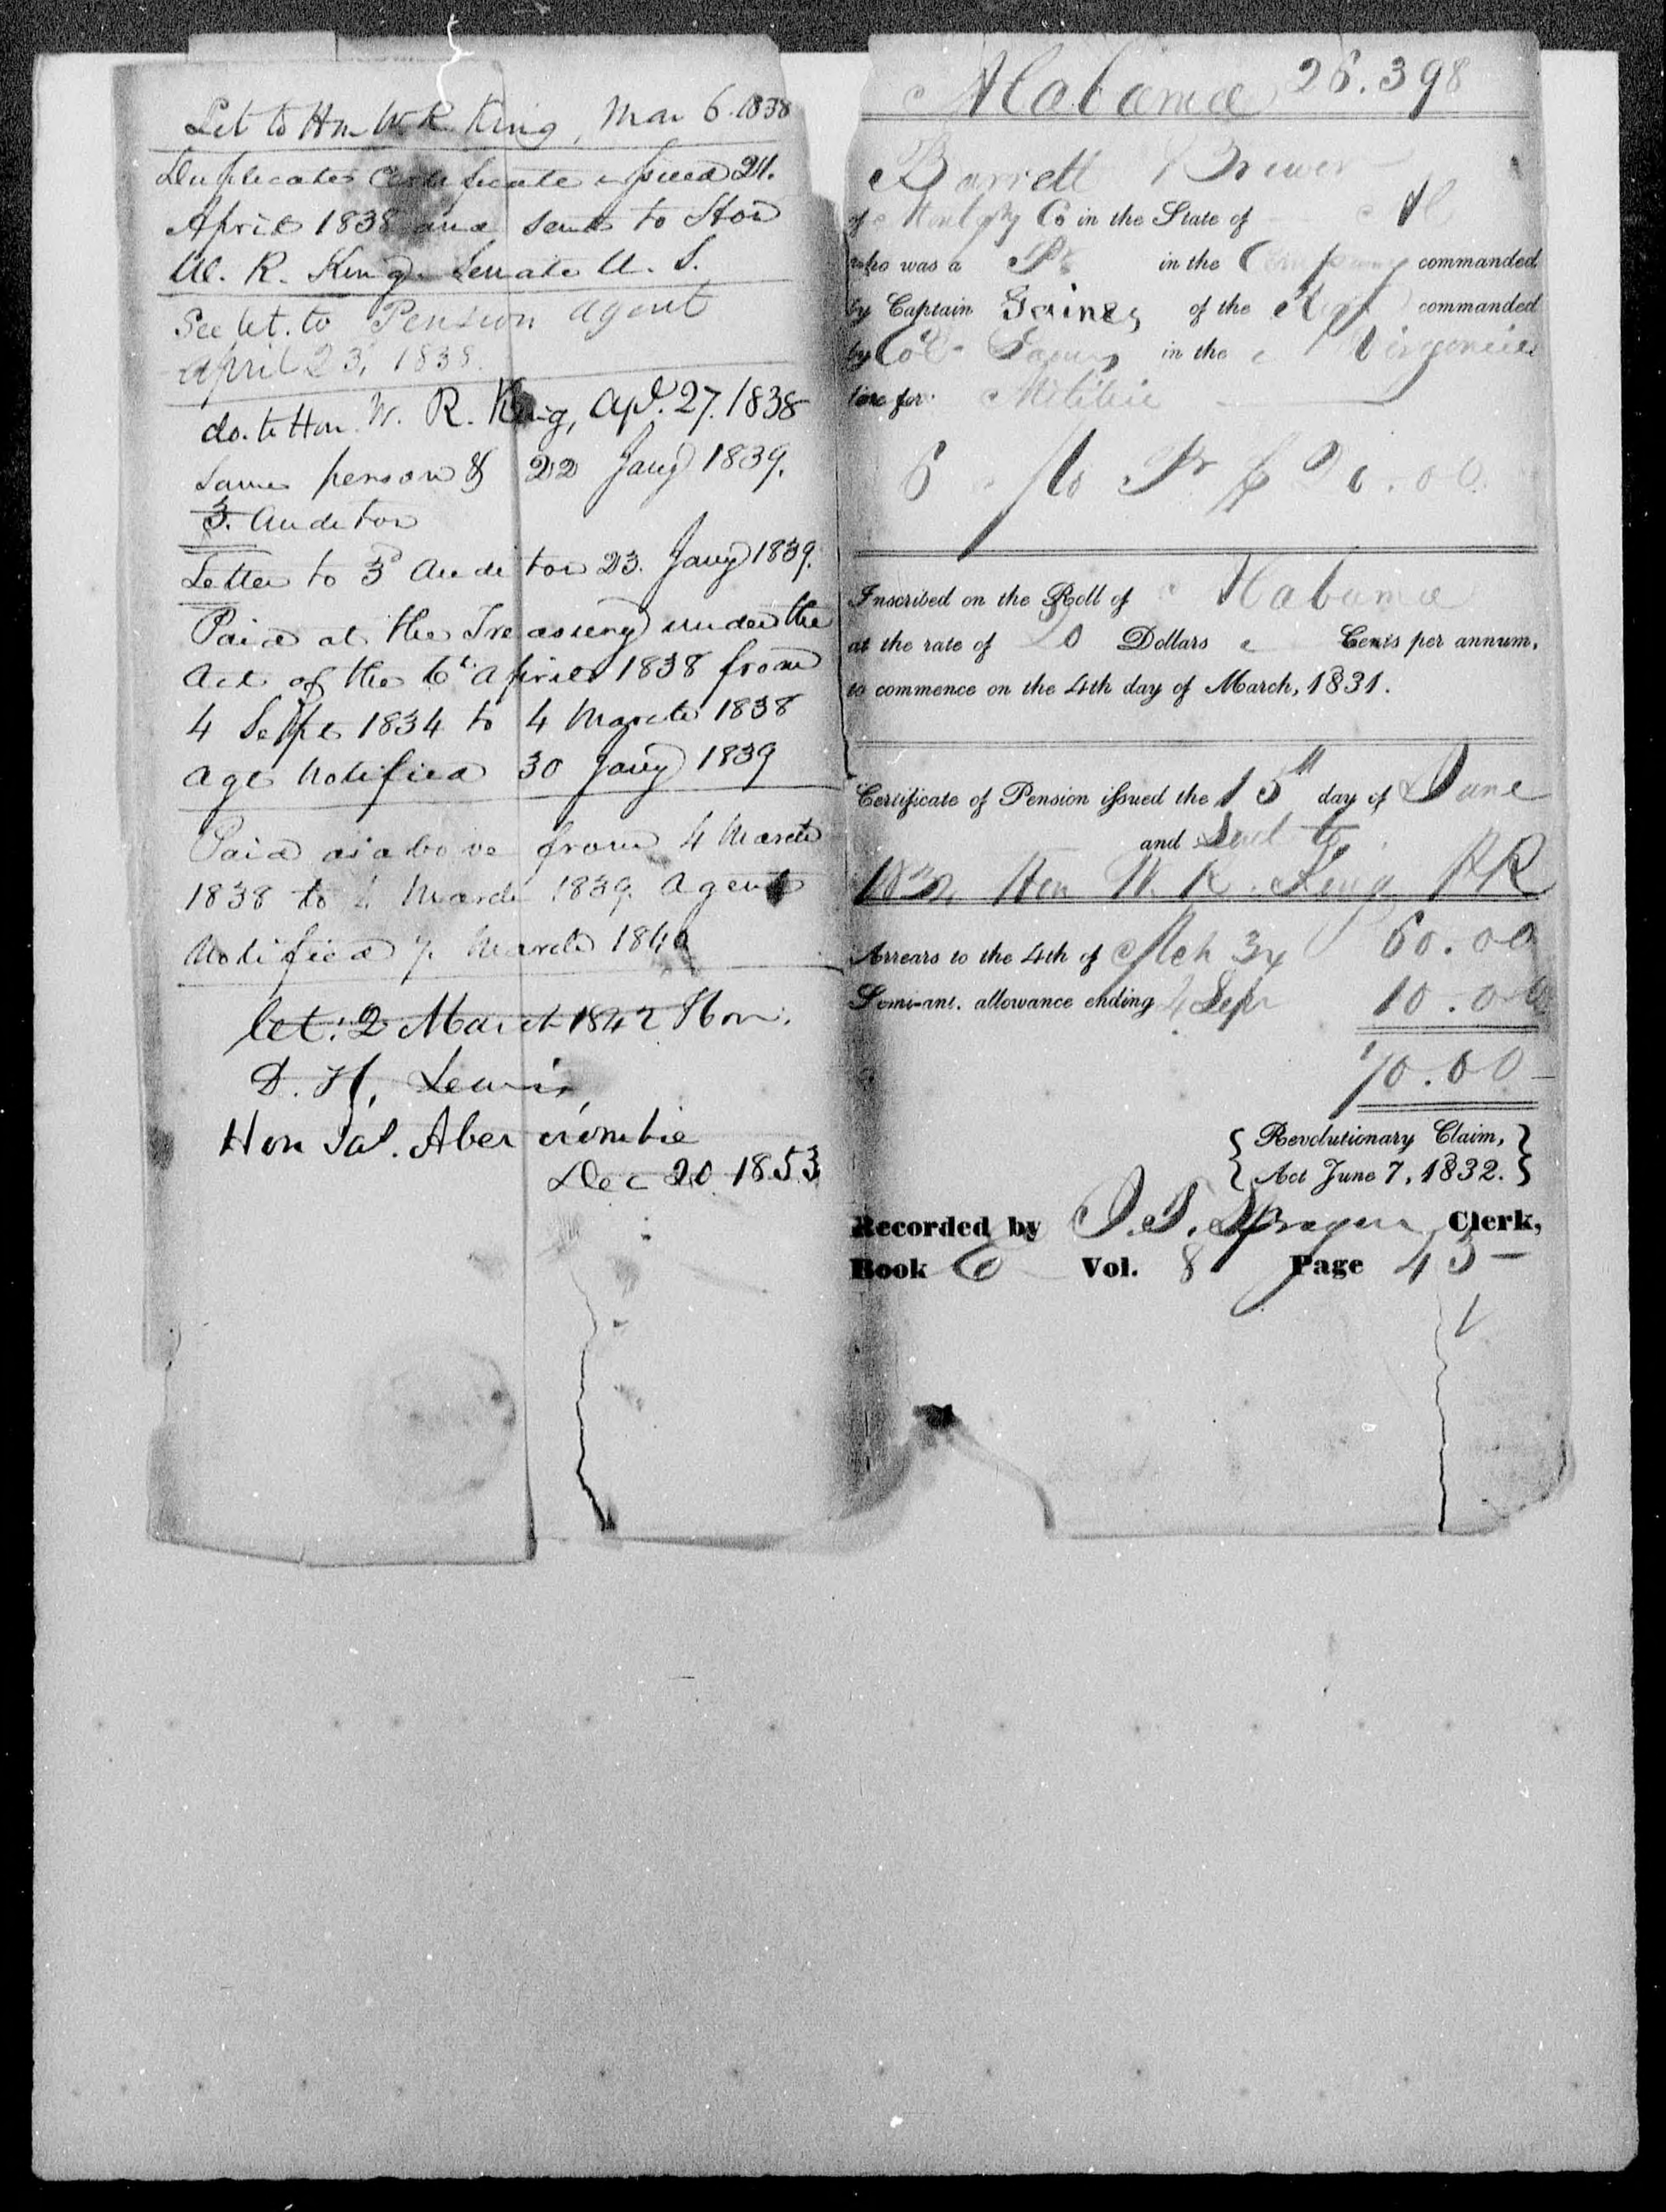Let to Hn W. R. King, Mar 6. 1838
[line dawn]
Duplicate certificate [illegible] 24.
April 1838 and sent to Hon W. R. King Senate U. S.
[line drawn]
See let to Pension agent
April 23,1838.\
[line drawn]
do letter Hon. W. R. King, Apl. 27, 1838
Same pension of 22 Jany 1839.
3. auditor
[line drawn]
Letter to 3 auditor 23 Jany 1839.
[line drawn]
Paid at the Treasury under the Act of the April 18.8 from
4 Sept 18.4 to 4 March 18.8
agt notified 30 Jany 1839
[line drawn]
Paid as above from 4 March
18.8 to 7 March 18.9. Agents
notified 7 March 1840
[line drawn]
let 2 March 1842 Hon.
D. H. Lewis.
Hon Jas. Abercrombie
Dec 20, 1853

[right side of the document]
Alabama    26.398
Barrett Brewer
[illegible]Montgomery Co in the State of 
who was a Pt in the Company commended
by Captain Gaines of the eight commanded
by Col.  Gained in the [illegible] regiment
for the Mitibie
[illegible]
[line drawn]
Inscribed on the Roll of Alabama
at the rate of 20 Dollars [illegible] Cents per annum,
to commence on the 4th day of March, 1834.
[line draw]
Certificate of Pension issued the 15th day of June
and sent to 
Hon. W. R. King
[line drawn]
Arrears to the 4th of Sep 3                60.00
Semi-ant. allowance ending 4 Sep    10.00
                                    [underlined]   70.00 
[in peren]   Revolutionary Claim,
                   Act June 7, 1832
Recorded by J. S. Sprague Clerk,
Book 6  Vol. 8 Page 43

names: Gaines, Jas Abercrombie, Barrett Brewer, D H Lewis, W R King, Gaines, J T Sprague, W R King, W R King, W R King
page: 2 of 49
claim: survivor's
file: S. 32,131, Barrett Brewer, Va.